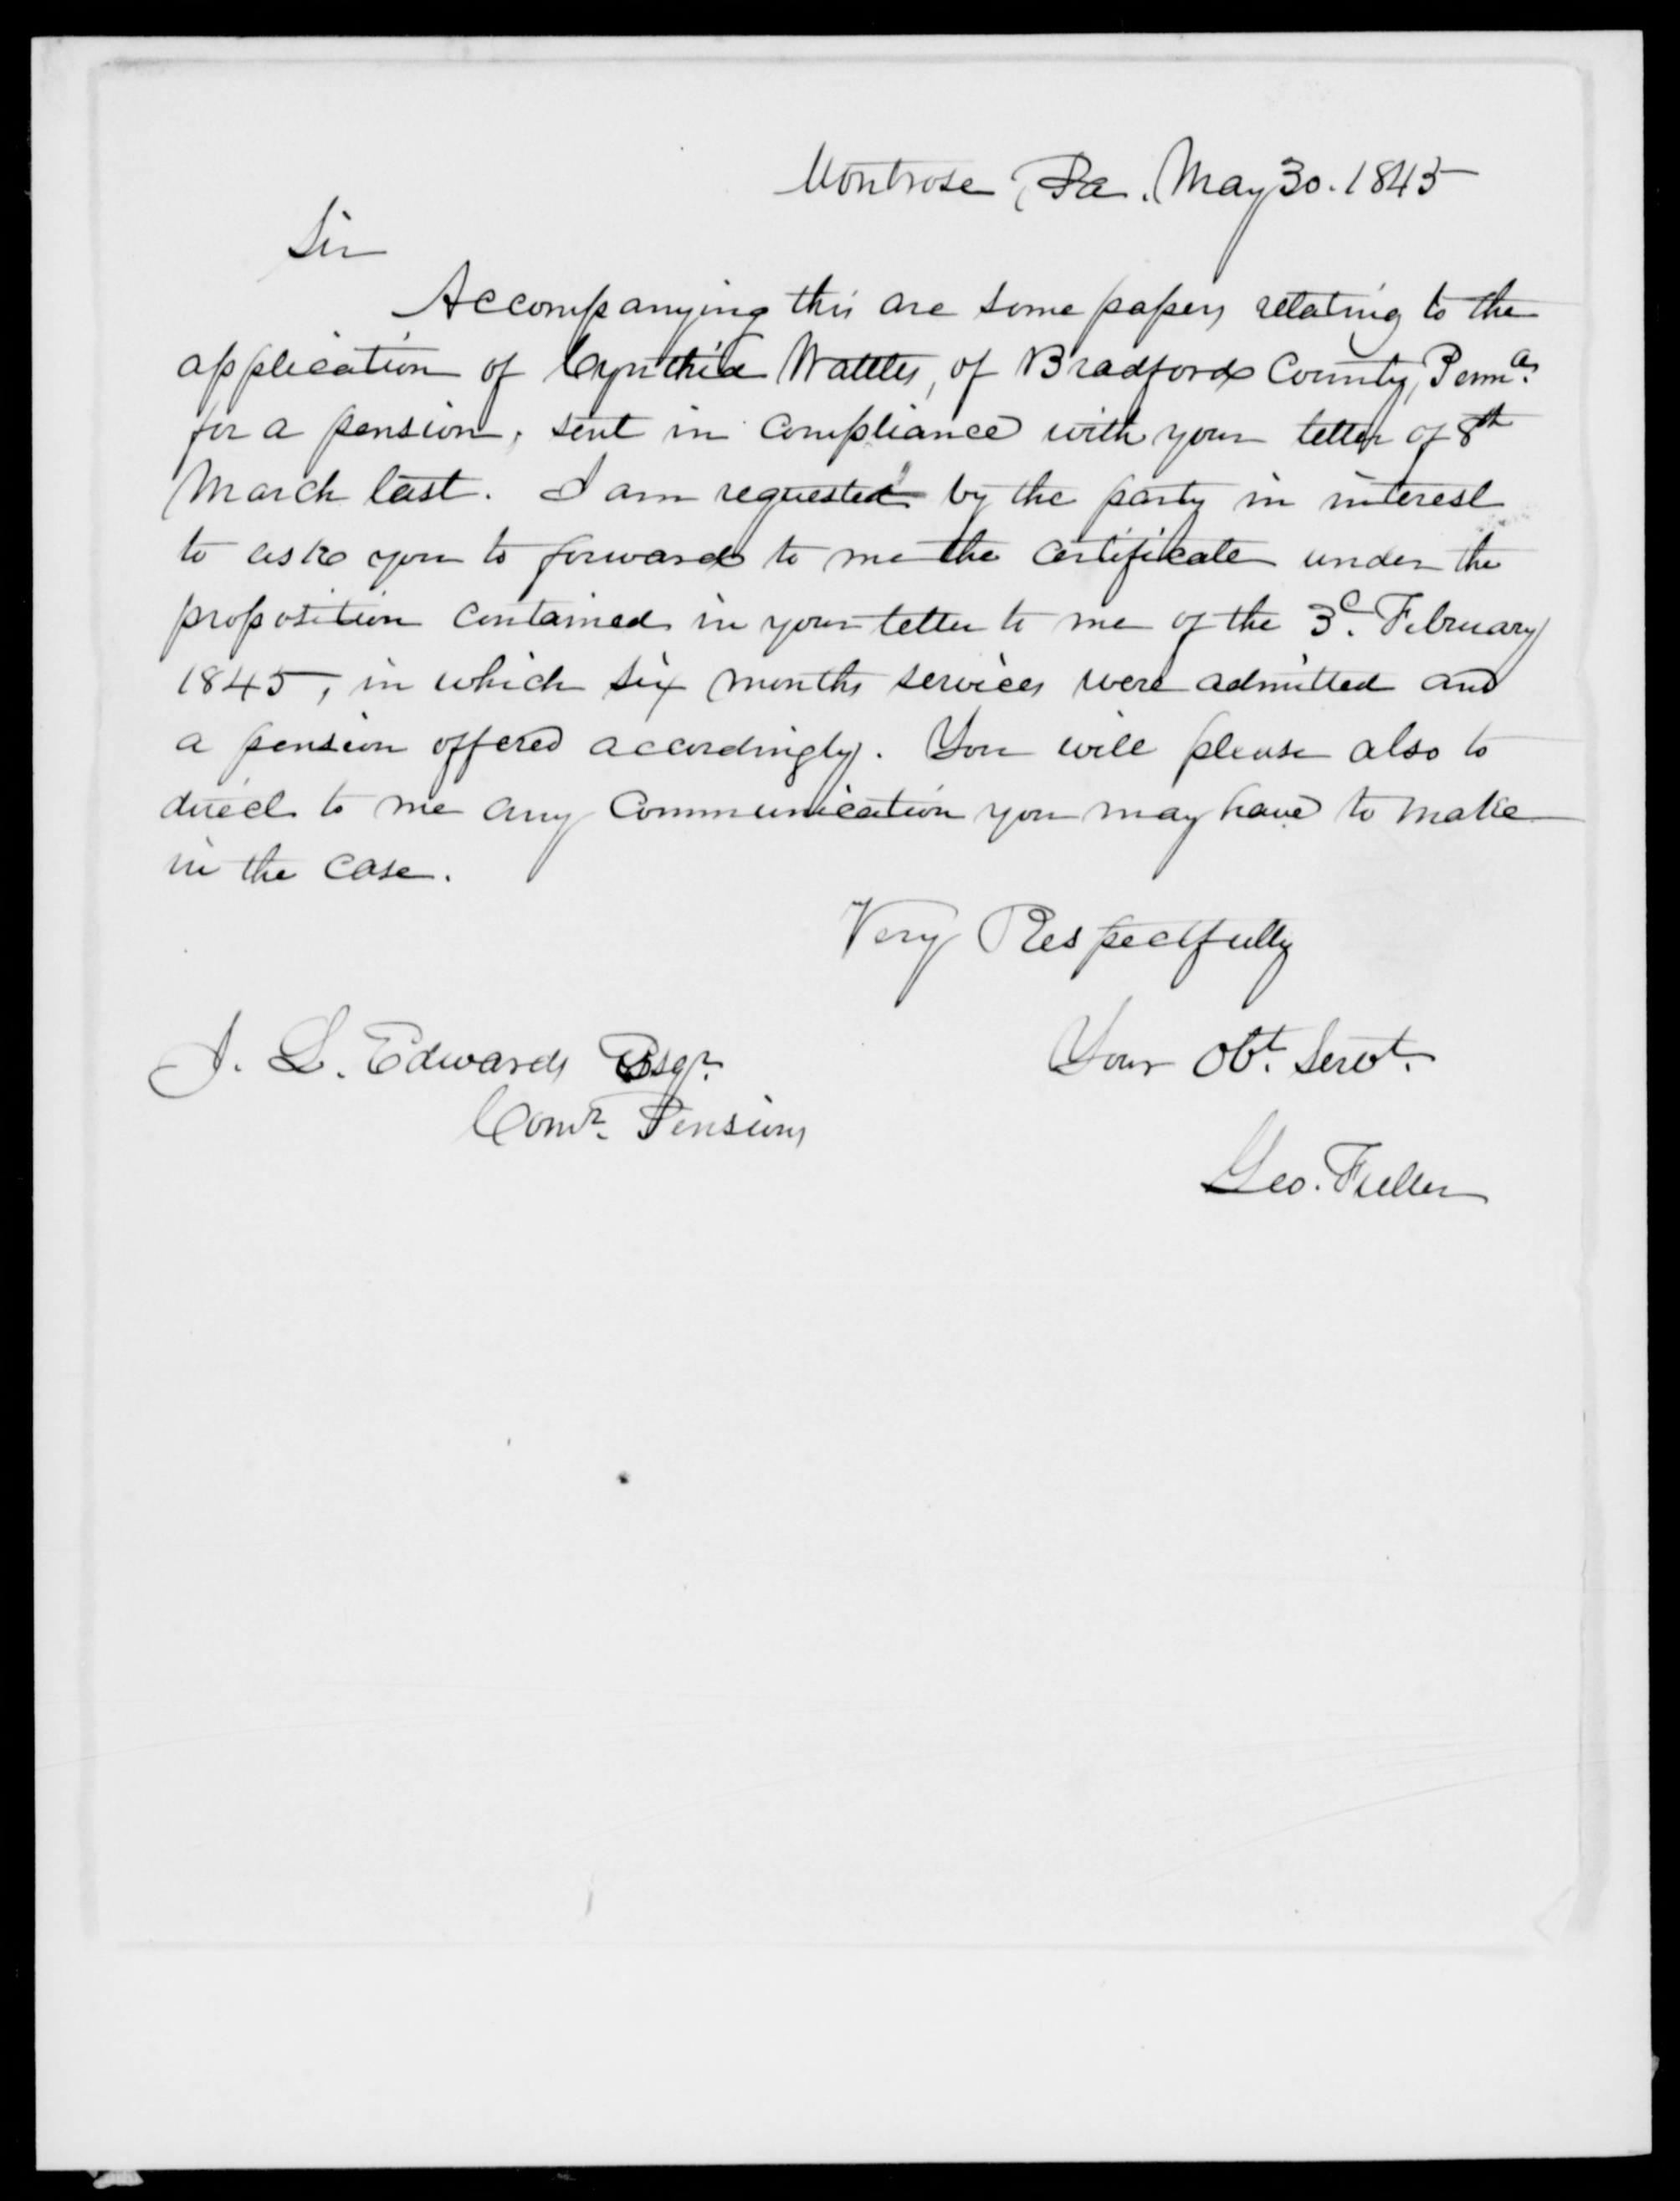Montrose, Pa,  May 30, 1845

Sir

Accompanying this are some papers relating to the application of Cynthia Wattles, of Bradford County, Penn. As for a pension sent in compliance with your letter 8th March last.  I am requested by the party in interest to ask you to forward to me the certificate under the proposition contained in your letter to me of the 3d February 1845, in which six months services were admitted and a pension offered accordingly.  You will please also to direct to me any communication you may have to make in the case.

Very Respectfully
Your Obt Servt.
Geo. Fuller

J. L. Edwards Esq.
Com. Pensions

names: J L Edwards, Geo Fuller, Cynthia Wattles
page: 32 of 70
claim: widow's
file: W. 3743, Dan Wattles, Conn.